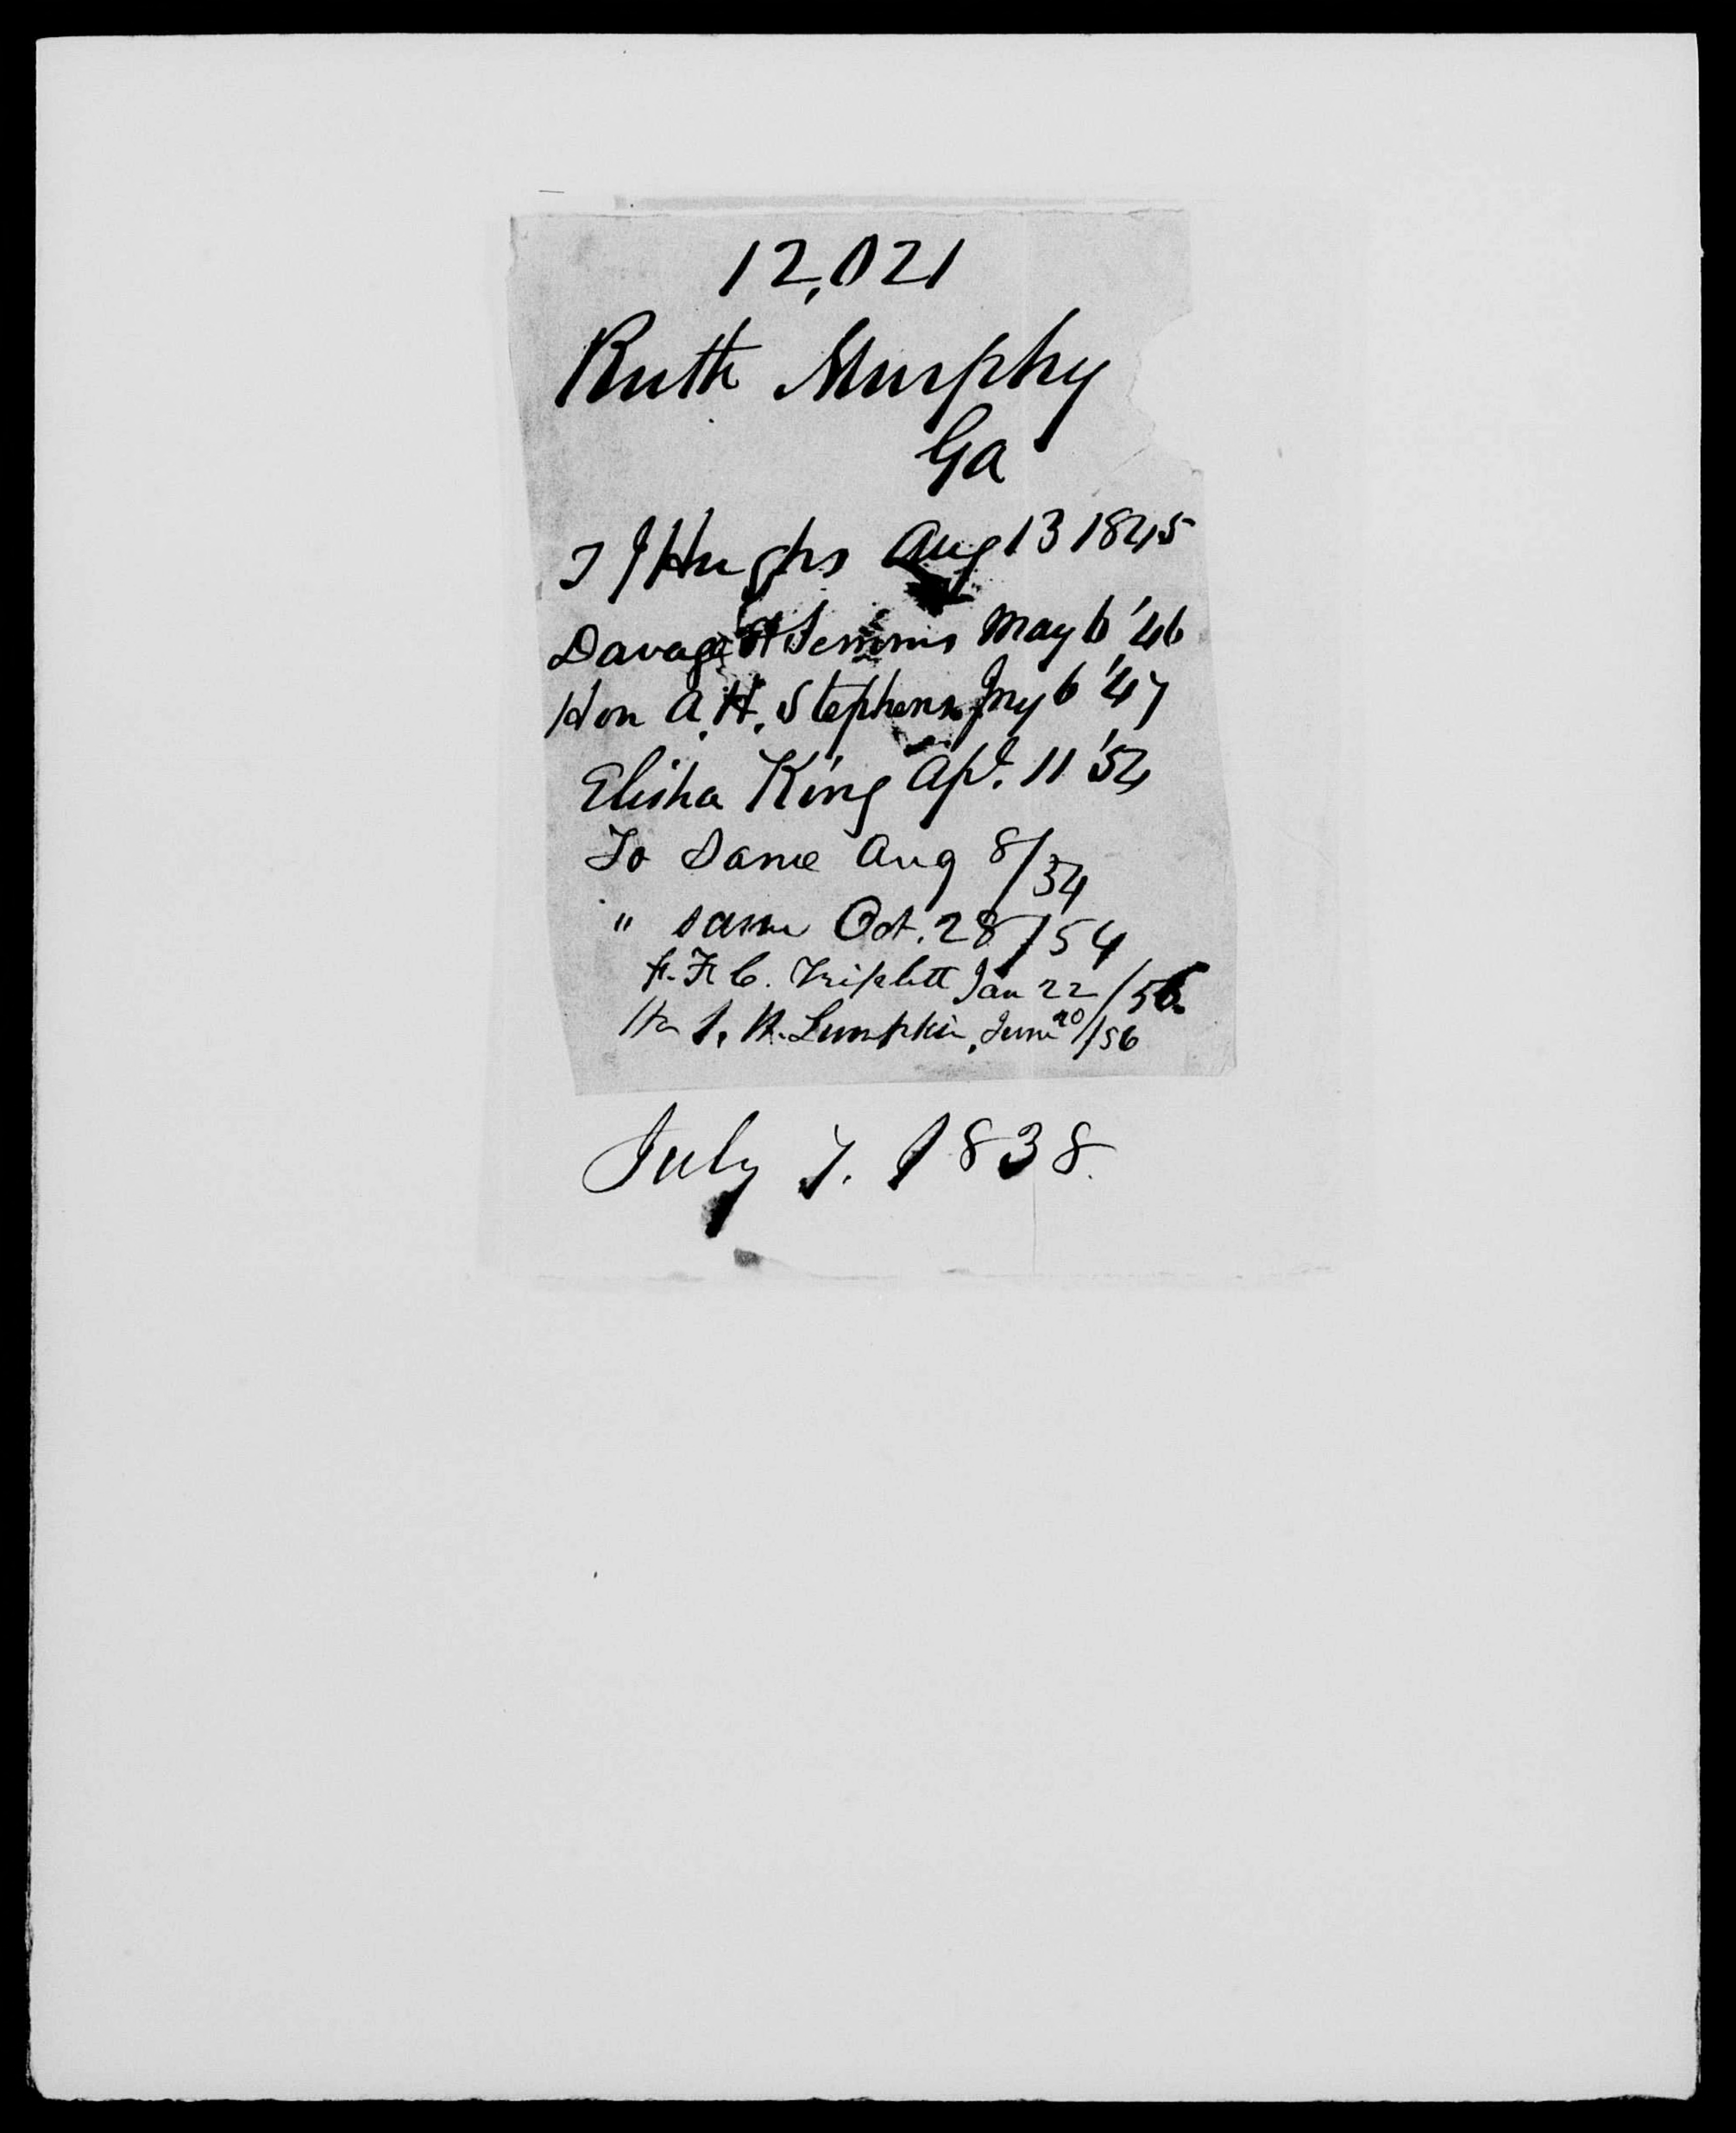12,021
Ruth Murphy
Ga
TJ Hughs Aug 13 1845
Davage H Lemmon May 6, ‘46
Hon A.H. Stephen’s Jny 6 ‘47
Elisha King APL. 11 ‘54
To Same Aug 8/d54
“ same Oct. 28/56
F.F.L. Triplett Jan 22/56
Hon Lumpkin June 20/56

July 7 1838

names: Simms, F F C Triplett, Elisha King, Ruth Murphy, Davage, T J Hughs, A H Stephens, J H Lumpkin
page: 18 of 108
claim: rejected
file: R. 7,515, John Hudgins, N.C.